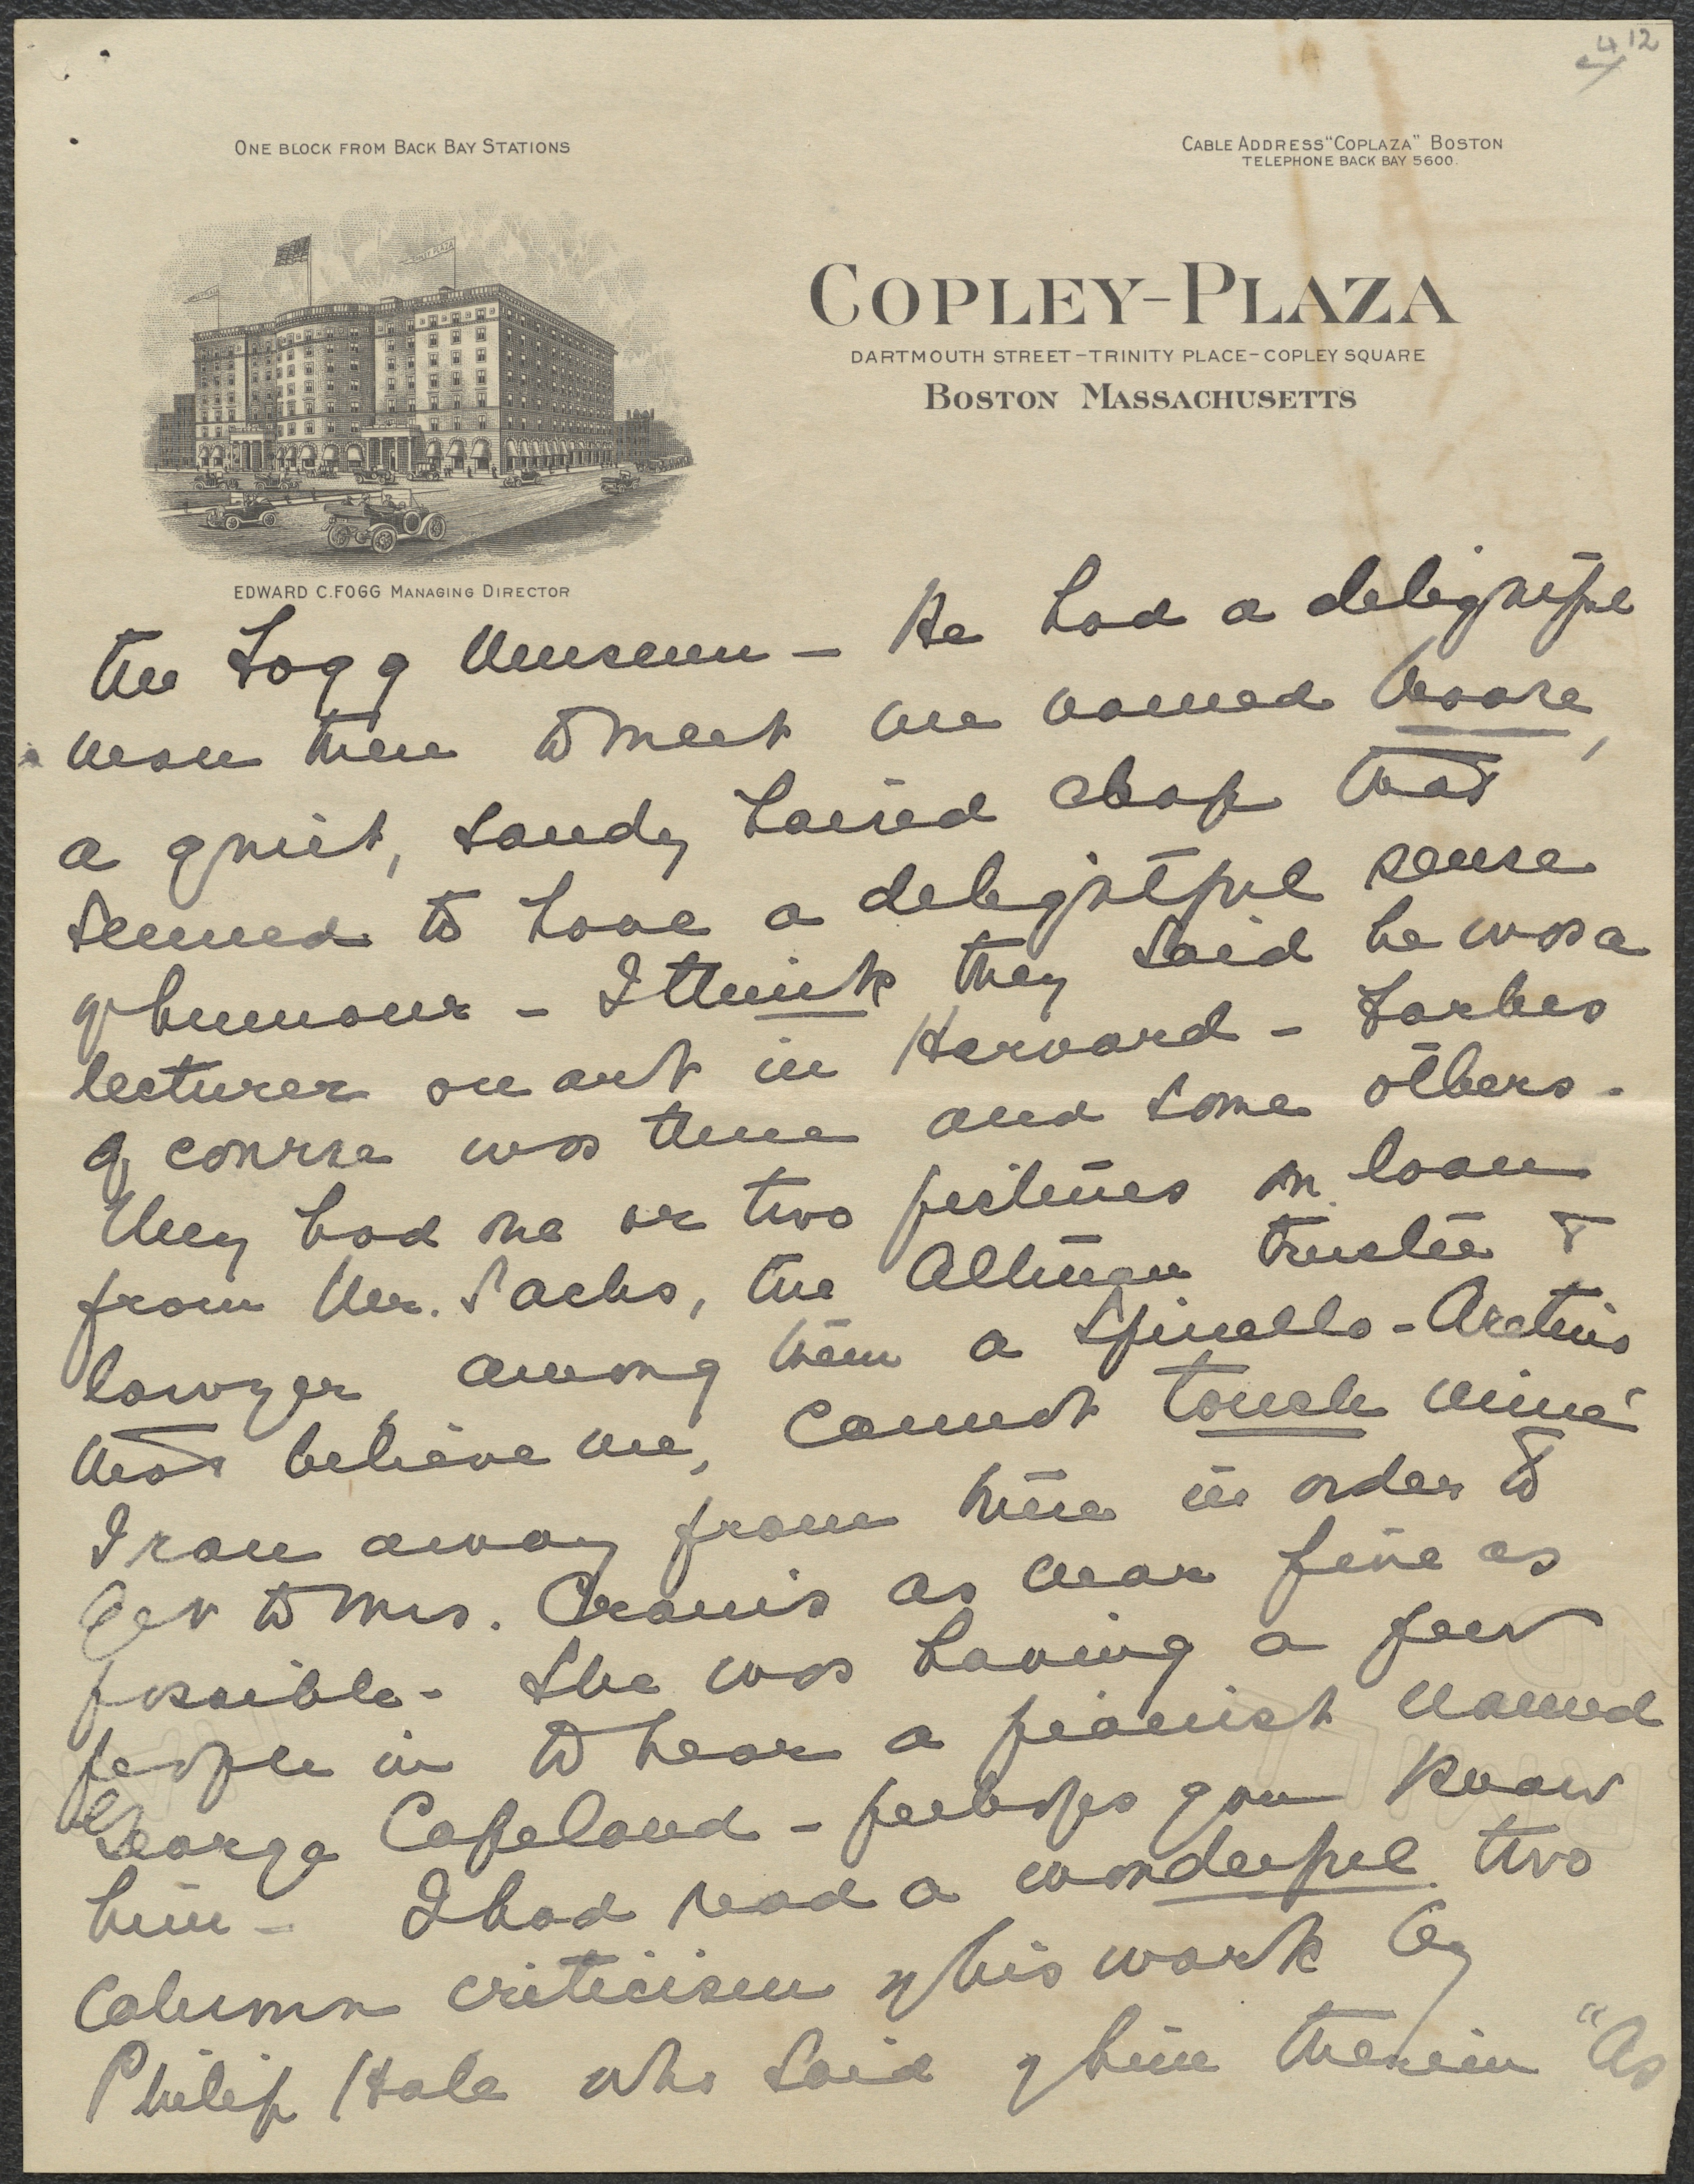The Fogg Museum – He had a delightful man there to meet me named Moore, a quiet, sandy haired chap that seemed to have a delightful sense of humour – I think they said he was a lecturer on art in Harvard – Forbes of course was there and some others – they had one or two pictures on loan from Mr. Sachs, the Altman trustee & lawyer among them a Spinello-Aretino that believe me, cannot touch mine I ran away from there in order to get to Mrs. Cram’s as near fine as possible – she was having a few people in to hear a pianist named George Copeland – perhaps you know him – I had read a wonderful two column criticism of his work by Philip Hale who said of him therein “As